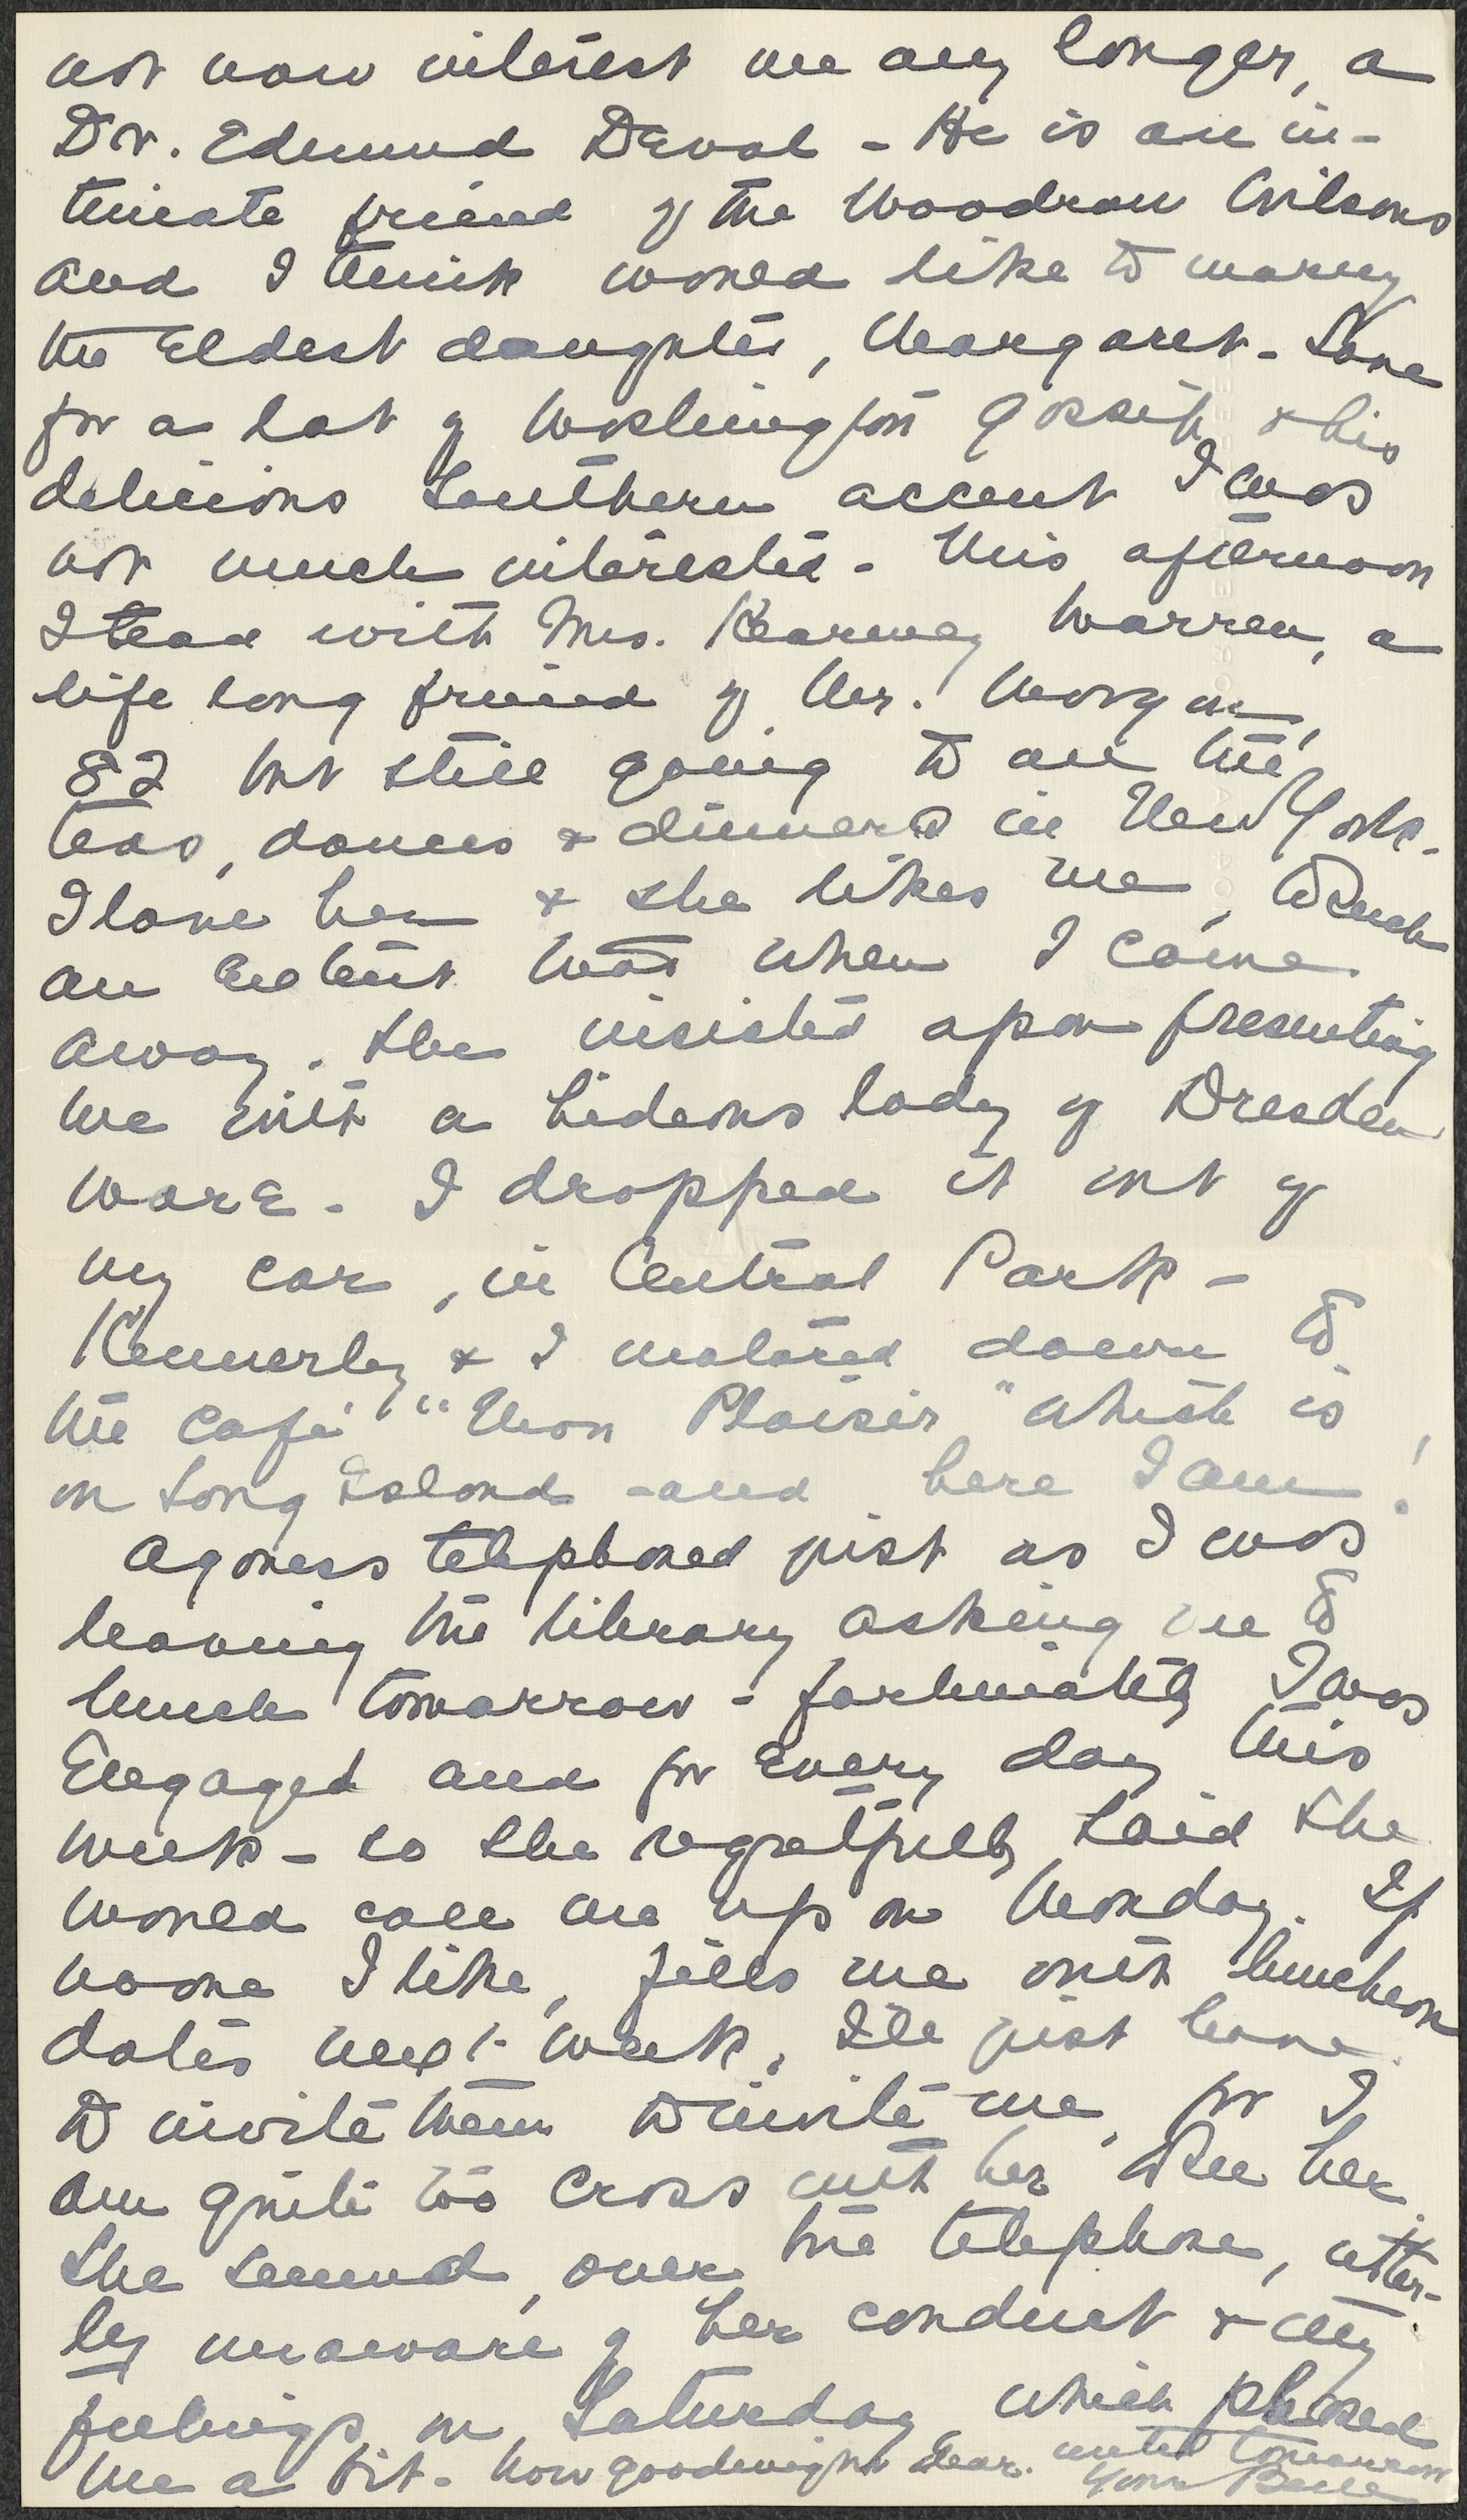not now interest me any longer, a Dr. Edmund Deval – He is an intimate friend of the Woodrow Wilsons and I think would like to marry the eldest daughter, Margaret – Save for a lot of Washington gossip & his delicious Southern accent I was not much interested – This afternoon I tead with Mrs. Kearney Warren, a life long friend of Mr. Morgan, 82 but still going to all the teas, dances & dinners in New York. I love her & she likes me, to such an extent that when I came away, she insisted upon presenting me with a hideous lady of Dresden ware – I dropped it out of my car, in Central Park – Kennerley & I motored down to the café “Mon Plaisir” which is on Long Island – and here I am!
Agoness telephoned just as I was leaving the library asking me to lunch tomorrow – fortunately I was engaged and for every day this week – so she regretfully said she would call me up on Monday. If no one I like, fills me with luncheon dates next week, I’ll just have to invite them to invite me, for I am quite too cross with her to see her. She seemed, over the telephone, utterly unaware of her conduct & my feelings on Saturday which pleased me a bit – Now goodnight dear. Until tomorrow.
Your Belle